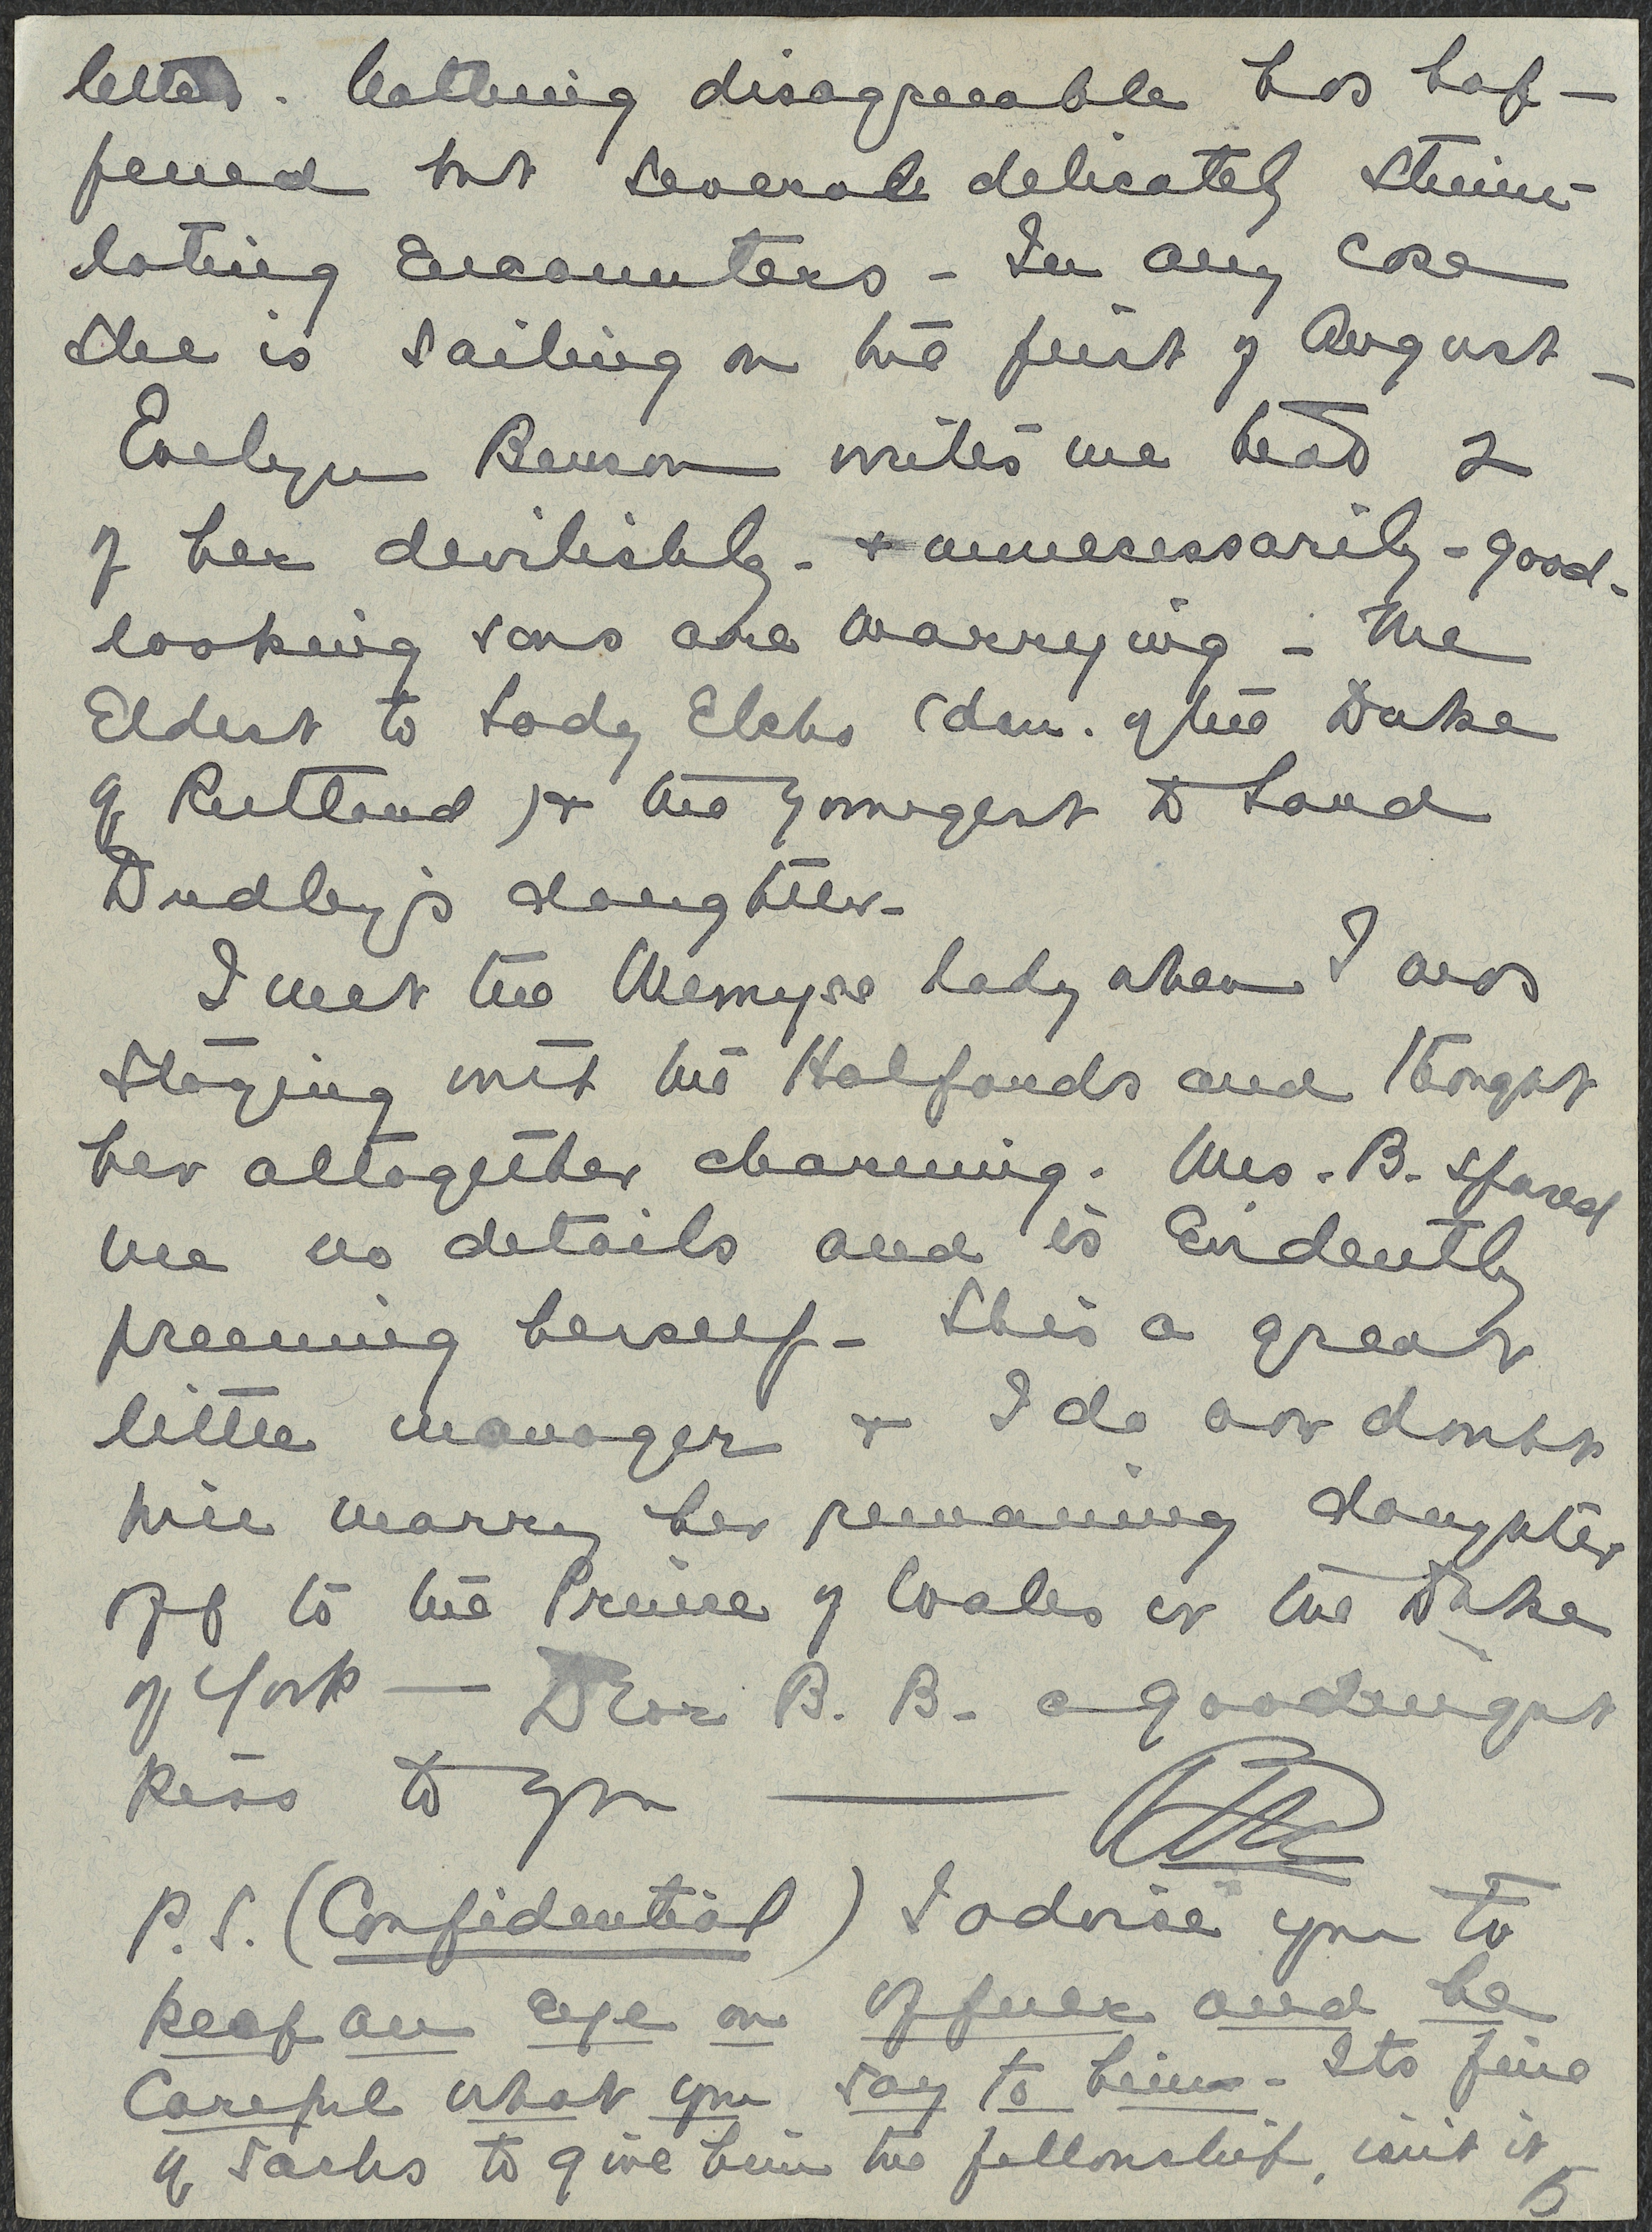letters. Nothing disagreeable has happened but several delicately stimulating encounters – In any case she is sailing on the first of August – Evelyn Benson writes me that 2 of her devilishly & unnecessarily-good-looking sons are marrying – The eldest to Lady Elcho (dau. of the Duke of Rutland) & the youngest to Lord Dudley’s daughter –
I met the Memyss lady when I was staying with the Holfords and thought her altogether charming – Mrs. B. spared me no details and is evidently preening herself – She’s a great little manager & I do not doubt will marry her remaining daughter off to the Prince of Wales or the Duke of York – Dear B.B. – a goodnight kiss to you – Belle
P.S. (Confidential) I advise you to keep an eye on Offner and be careful what you say to him – It’s fine of Sachs to give him the fellowship, isn’t it –
B